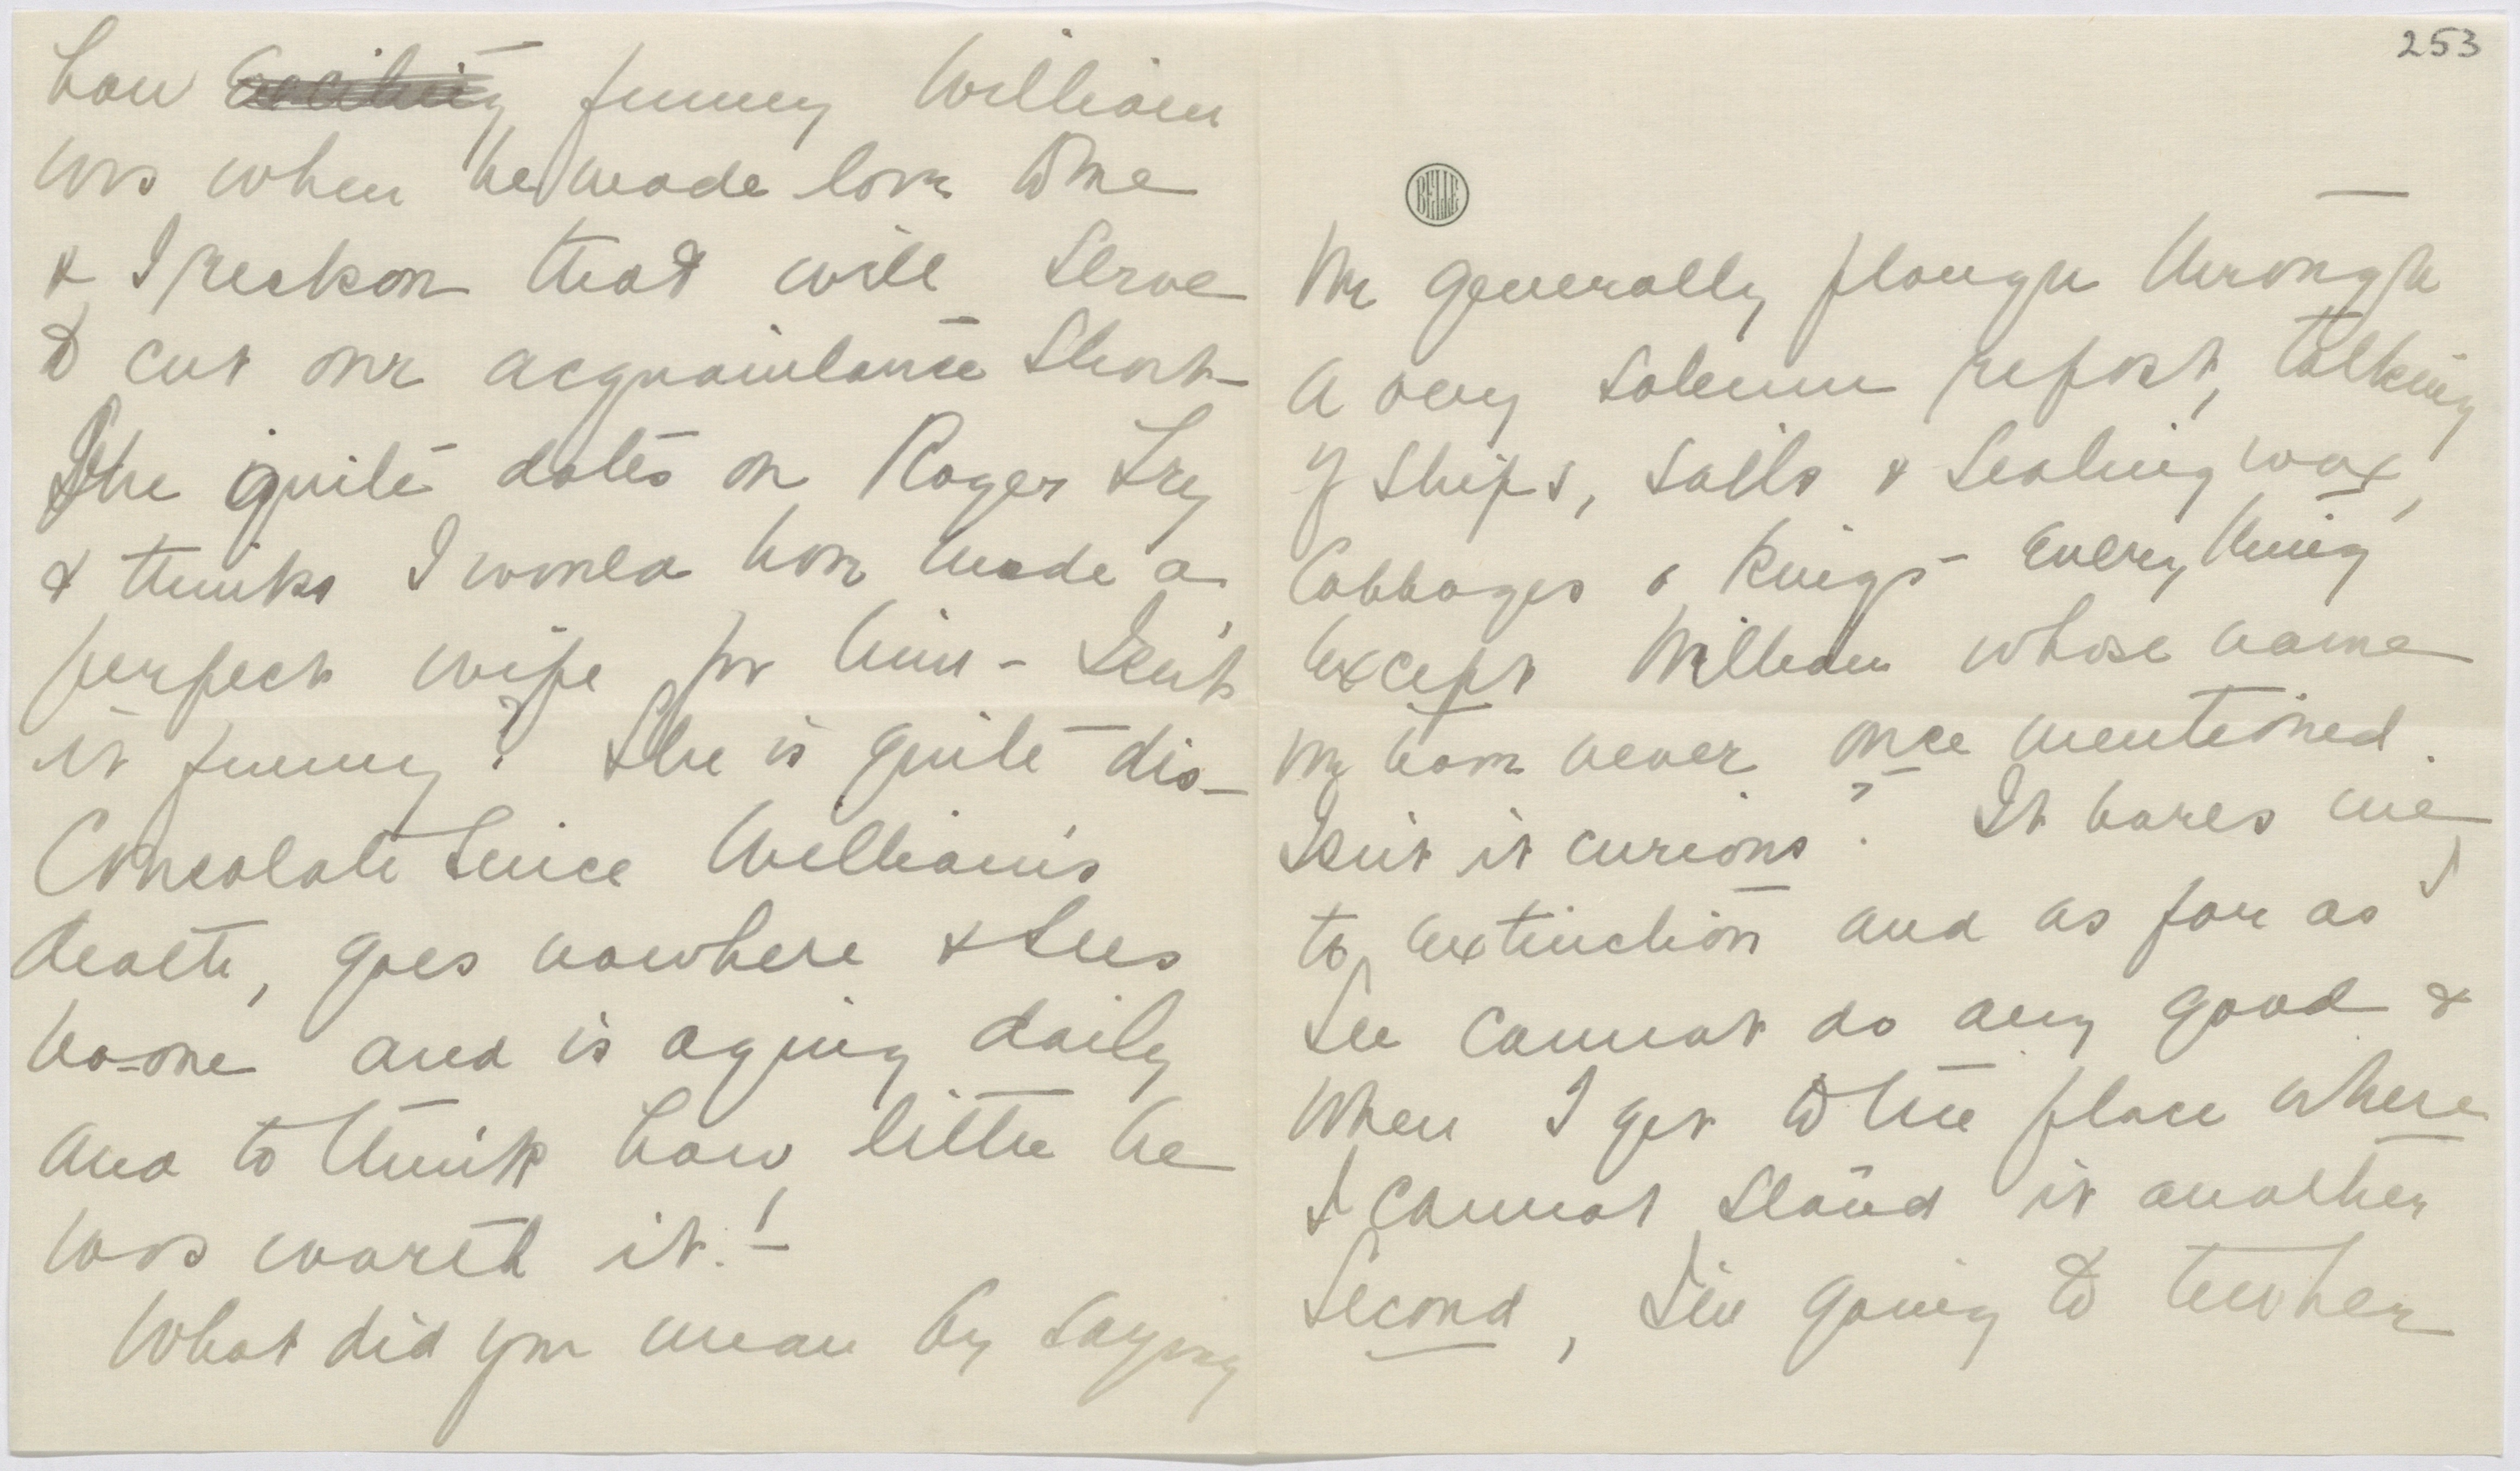We generally plough through a very solemn report, talking of ships, sails & sealing wax, cabbages & kings – every thing except William whose name we have never once mentioned. Isn’t it curious? It bores me to extinction and as far as I See cannot do any good & when I get to the place where I cannot stand it another Second, I’m going to tell her
how exciting funny William was when he made love to me & I reckon that will serve to cut our acquaintance short – She quite dotes on Roger Fry & thinks I would have made a perfect wife for him – Isn’t it funny? She is quite disconsolate since William’s death, goes nowhere & sees no-one and is aging daily and to think how little he was worth it!
What did you mean by saying